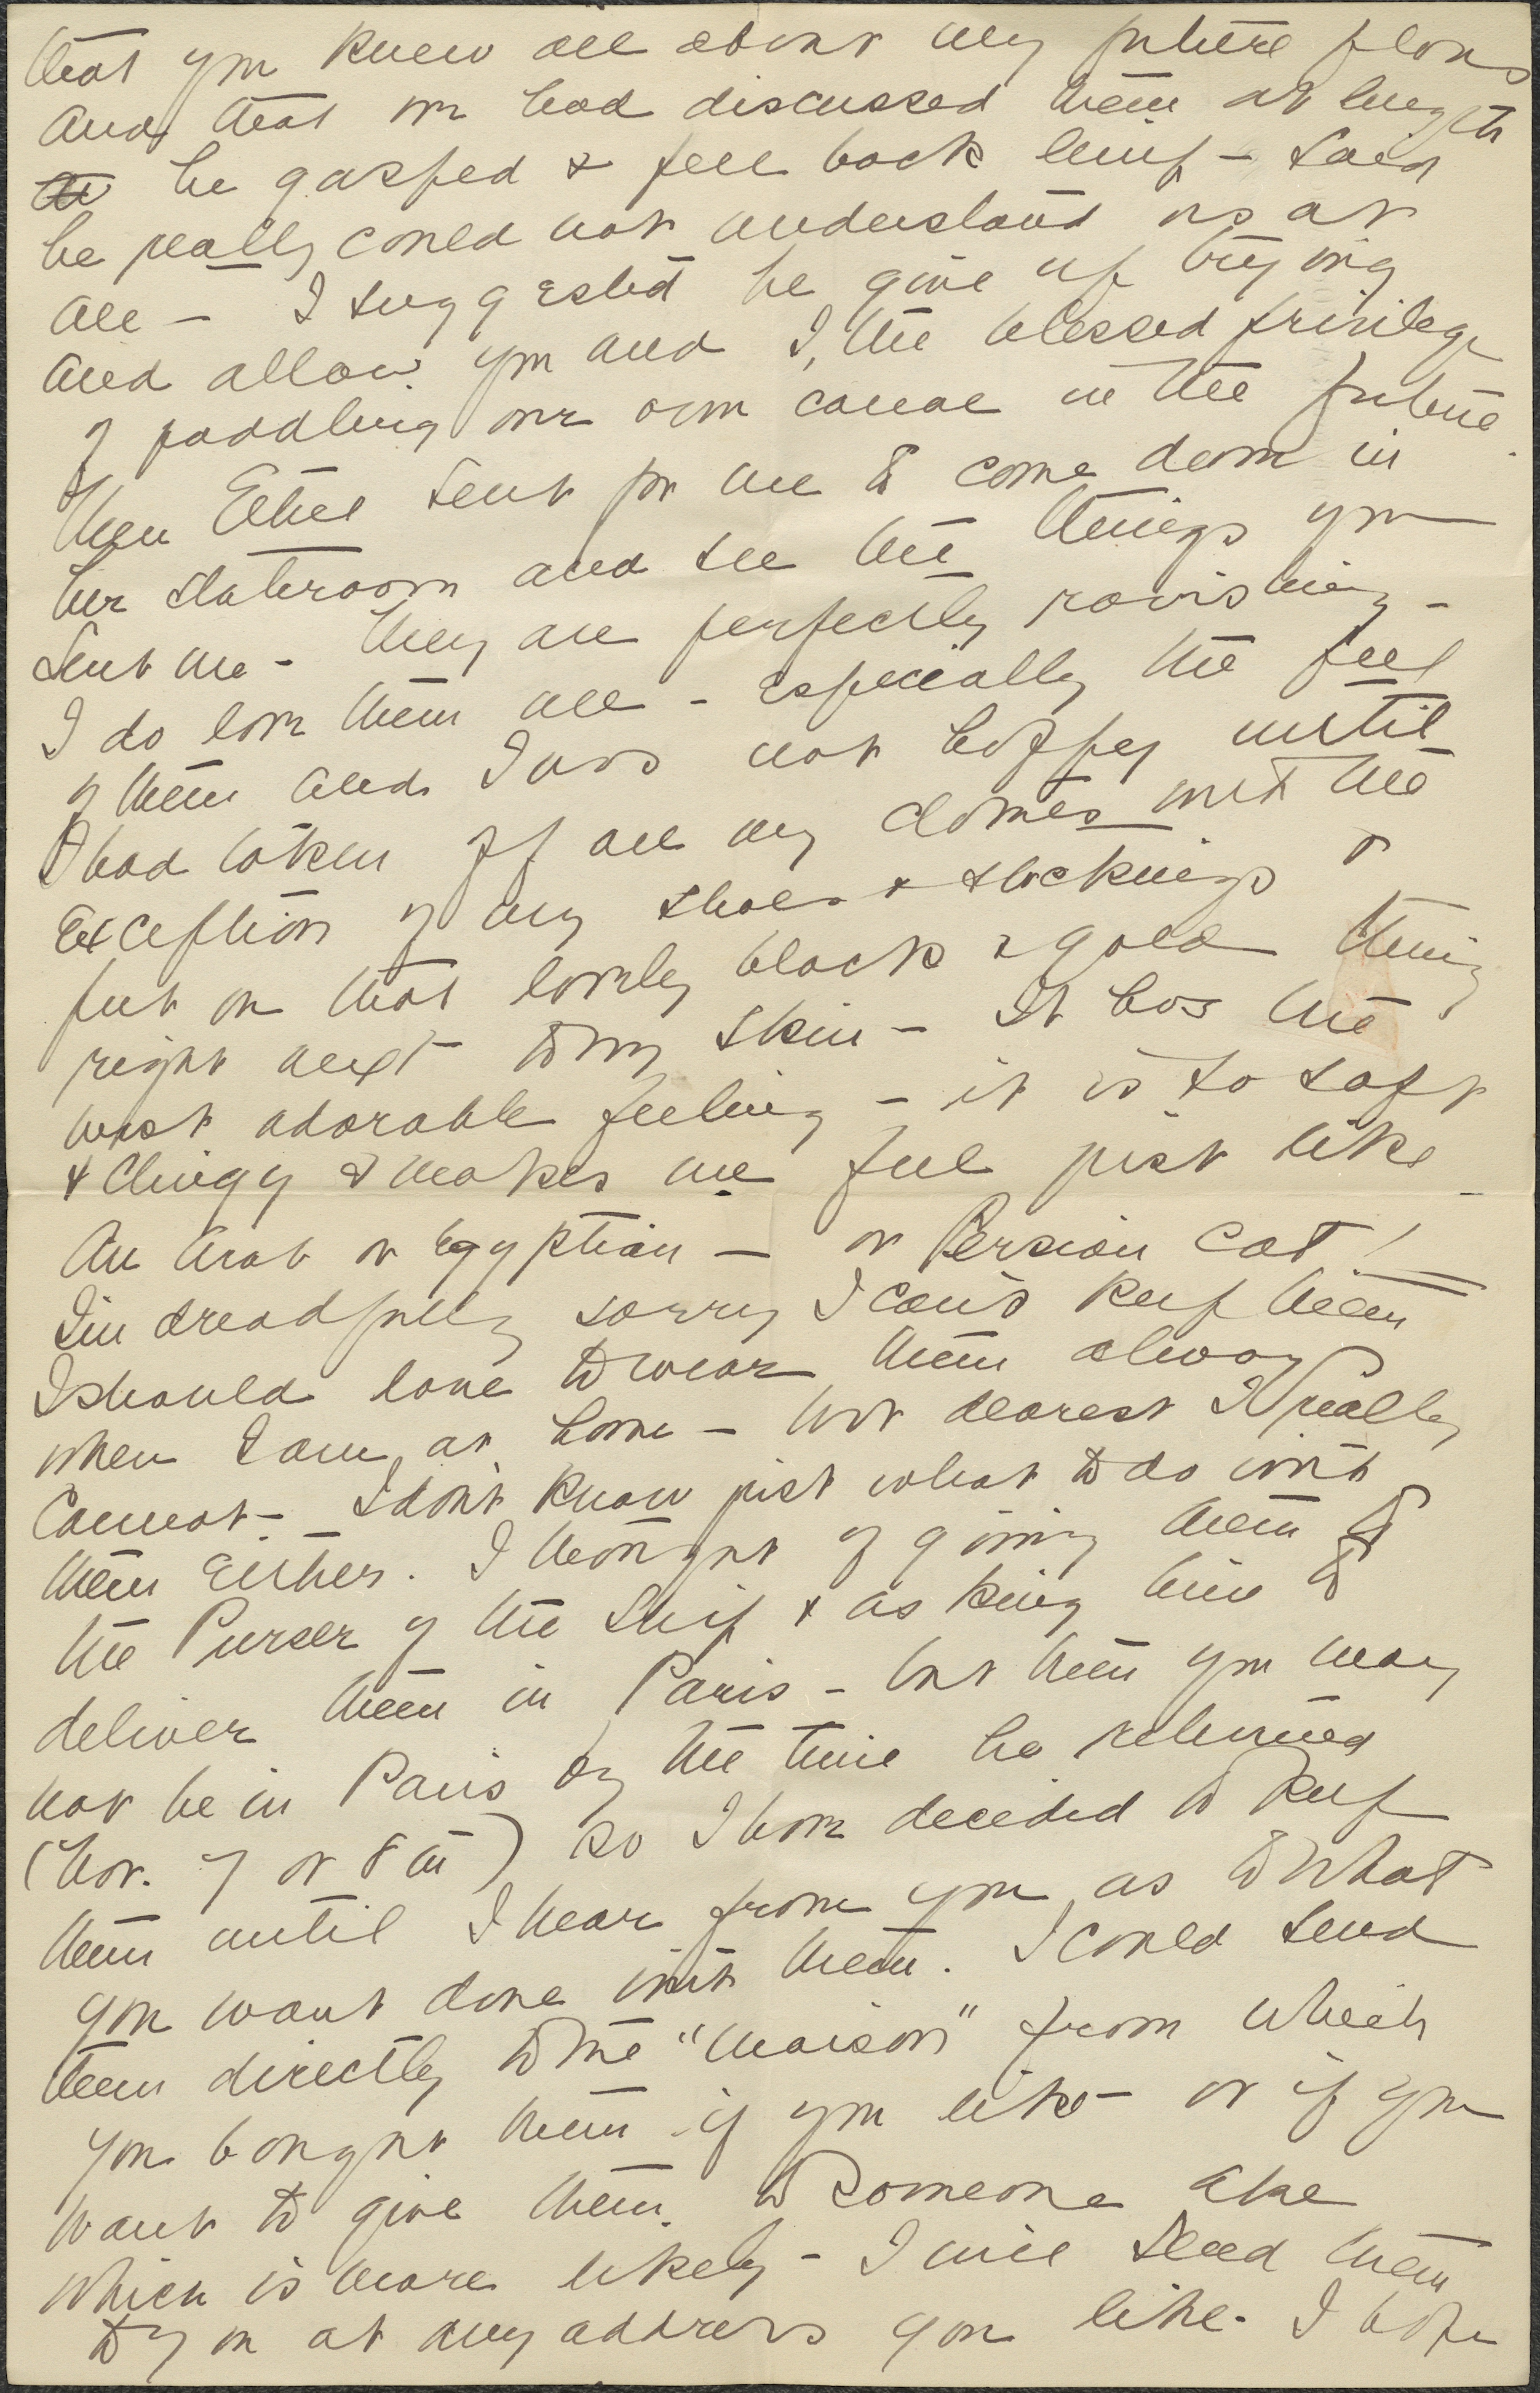that you knew all about my future plans and that we had discussed them at length an he gasped & fell back limp – said he really could not understand us at all – I suggested he give up trying and allow you and I, the blessed privilege of paddling our own canal in the future. Then Ethel sent for me to come down in her stateroom and see the things you sent me – They are perfectly ravishing – I do love them all – especially the feel of them and I was not happy until I had taken off all my clothes with the exception of my shoes & stockings & put on that lovely black & gold thing right next to my skin – It has the most adorable feeling – it is so soft & clingy & makes me feel just like An Arab or Egyptian – or Persian cat! – I’m dreadfully sorry I can’t keep them I should love to wear them always when I am at home – but dearest I really cannot – I don’t know just what to do with them either. I thought of giving them to the Purser of the ship & asking him to deliver them in Paris – but then you may not be in Paris by the time he returned (Nov. 7 or 8th) so I have decided to keep them until I hear from you as to what you want done with them. I could send them directly to the “maison” from which you bought them if you like – or if you want to give them to someone else which is more likely – I will send them to you at any address you like. I hope